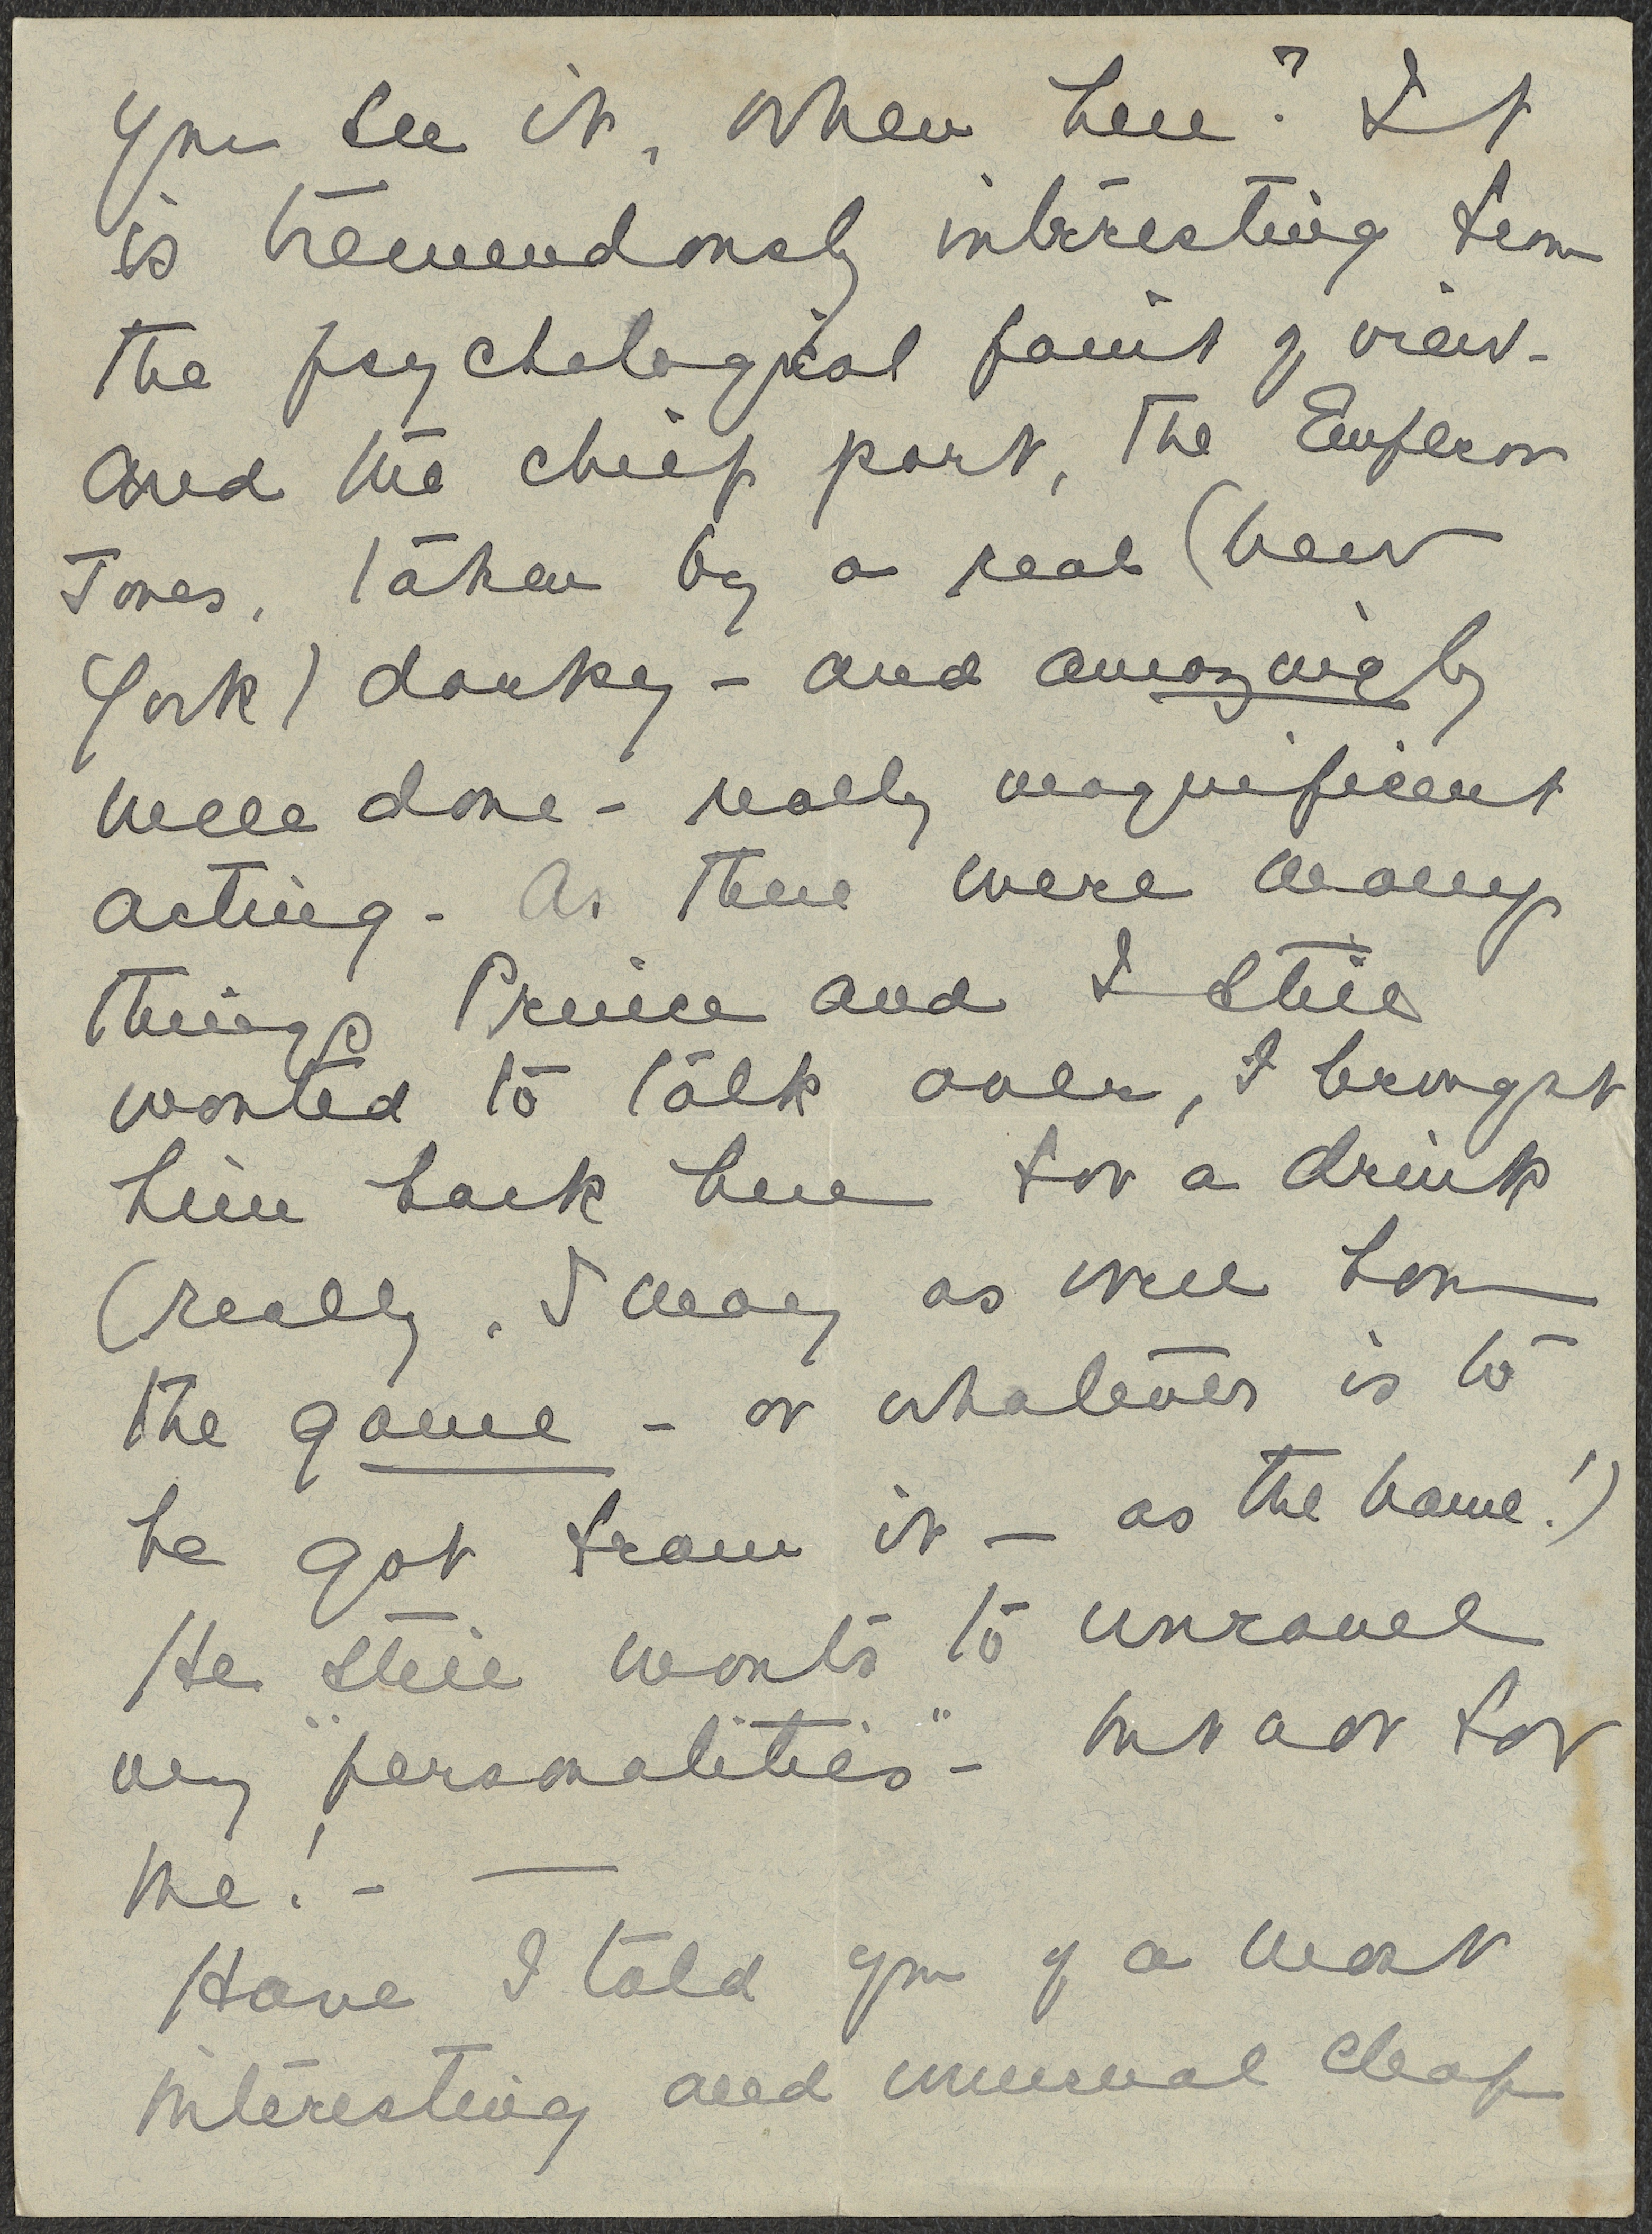you see it, when here? It is tremendously interesting from the psychological point of view – and the chief part, the Emperor Jones, taken by a real (New York) darky – and amazingly well done – really magnificent acting – As there were many things Prince and I still wanted to talk over, I brought him back here for a drink (really, I may as well have the game – or whatever is to be got from it – as the name!) He still wants to unravel my “personalities”– but not for me! –
Have I told you of a most interesting and unusual chap